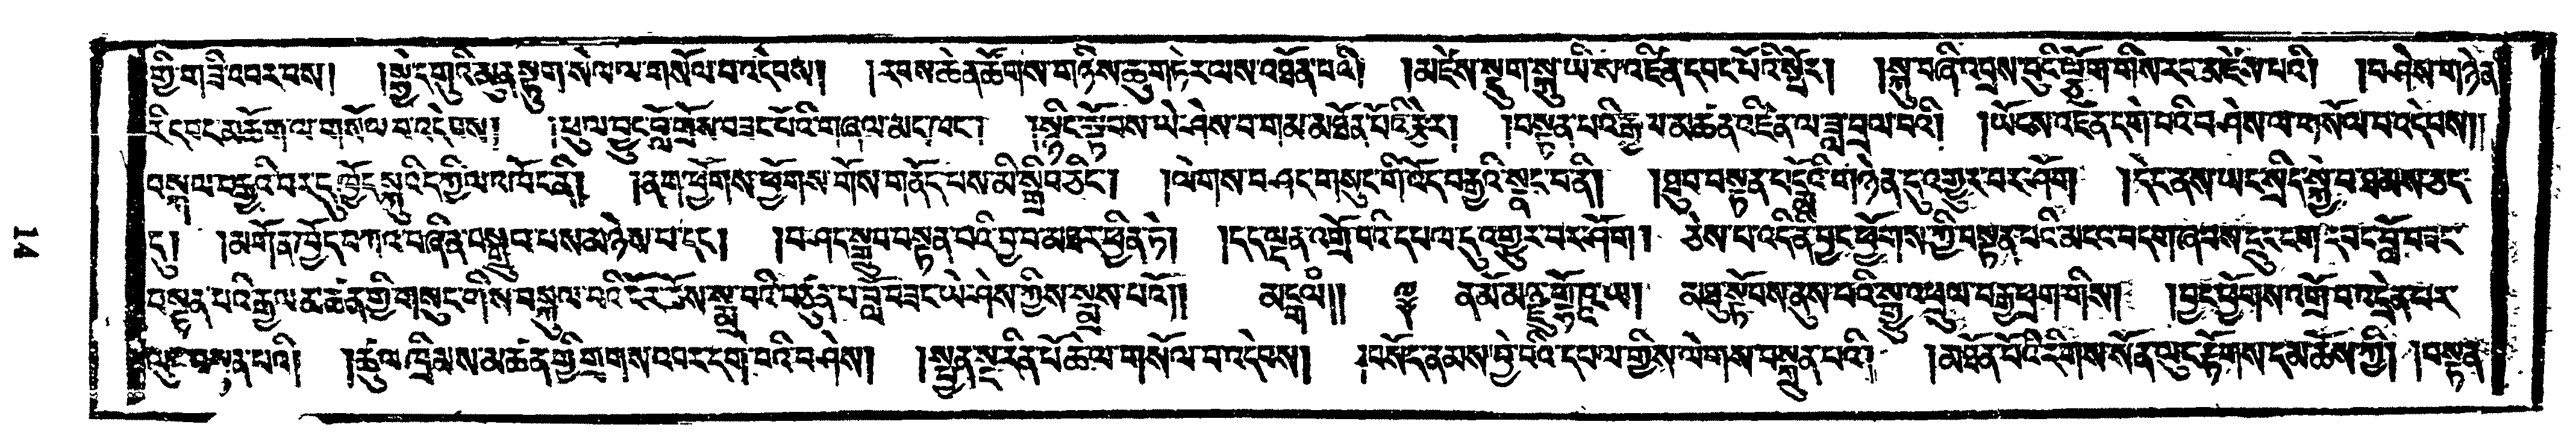གྱི་གཟི་འབར་བས། །སྐྱེ་དགུའི་མུན་སྟུག་སེལ་ལ་གསོལ་བ་འདེབས། །རབས་ཆེན་ཚོགས་གཉིས་ཆུ་གཏེར་ལས་འཐོན་པའི། །མཛེས་སྡུག་སྐུ་ཡི་ས་འཛིན་དབང་པོའི་སྦོར། །སྐུ་བཞི་འབྲས་བུའི་ལྕོག་གིས་རབ་མཛེས་པའི། །བཤེས་གཉེན་
རི་དབང་མཆོག་ལ་གསོལ་བ་འདེབས། །ཕུལ་བྱུང་བློ་གྲོས་བཟང་པོའི་གཞལ་མང་ཁང་། །སྙིང་སྟོབས་ཡེ་ཤེས་བ་གམ་མཐོན་པོའི་རྩེར། །བསྟན་པའི་རྒྱལ་མཚན་འཛིན་ལ་ཟླ་བྲལ་བའི། །ཡོངས་འཛིན་དགེ་བའི་བཤེས་ལ་གསོལ་བ་འདེབས། །
བསྐལ་བརྒྱའི་བར་དུ་ཁྱོད་སྐུའི་དཀྱིལ་འཁོར་ནི། །ནག་ཕྱོགས་ཕྱོགས་གོས་གནོད་པས་མི་སྒྲིབ་ཅིང་། །ལེགས་བཤད་གསུང་གི་འོད་བརྒྱའི་སྣང་བ་ནི། །ཐུབ་བསྟན་པདམོའི་གཉེན་དུ་འགྱུར་བར་ཤོག །དེང་ནས་ཡང་སྲིད་སྐྱེ་བ་ཐམས་ཅད་
དུ། །མགོན་ཁྱོད་བཀའ་བཞིན་བསྒྲུབ་པས་མཉེས་པ་དང་། །བཤད་སྒྲུབ་བསྟན་པའི་བྱ་བ་མཐར་ཕྱིན་ཏེ། །དད་ལྡན་འགྲོ་བའི་དཔལ་དུ་འགྱུར་བར་ཤོག། ཅེས་པ་འདི་ནི་བྱང་ཕྱོགས་ཀྱི་བསྟན་པའི་མངའ་བདག་ཞབས་དྲུང་ངག་དབང་བློ་བཟང་
བསྟན་པའི་རྒྱལ་མཚན་གྱི་གསུང་གིས་བསྐུལ་བའི་ངོར་ཆོས་སྨྲ་བའི་བཙུན་པ་བློ་བཟང་ཡེ་ཤེས་ཀྱིས་སྨྲས་པའོ།། མངྒལཾ།། ༈ ན་མོ་མཉྫུ་གྷོ་ཥཱ་ཡ། མཐུ་སྟོབས་ནུས་པའི་སྒྱུ་འཕྲུལ་བརྒྱ་ཕྲག་གིས། །བྱང་ཕྱོགས་འགྲོ་བ་འདྲེན་པར་
ལུང་བསྟན་པའི། །ཚུལ་ཁྲིམས་མཚན་གྱི་གྲགས་འབར་དགེ་བའི་བཤེས། །སྤྱན་སྔར་རིན་པོ་ཆེ་ལ་གསོལ་བ་འདེབས། །བསོད་ནམས་བྱེ་བའི་དཔལ་གྱིས་ལེགས་བསྐྲུན་པའི། །མཐོན་པོའི་རིགས་སོན་ལུང་རྟོགས་དམ་ཆོས་ཀྱི། །བསྟན་